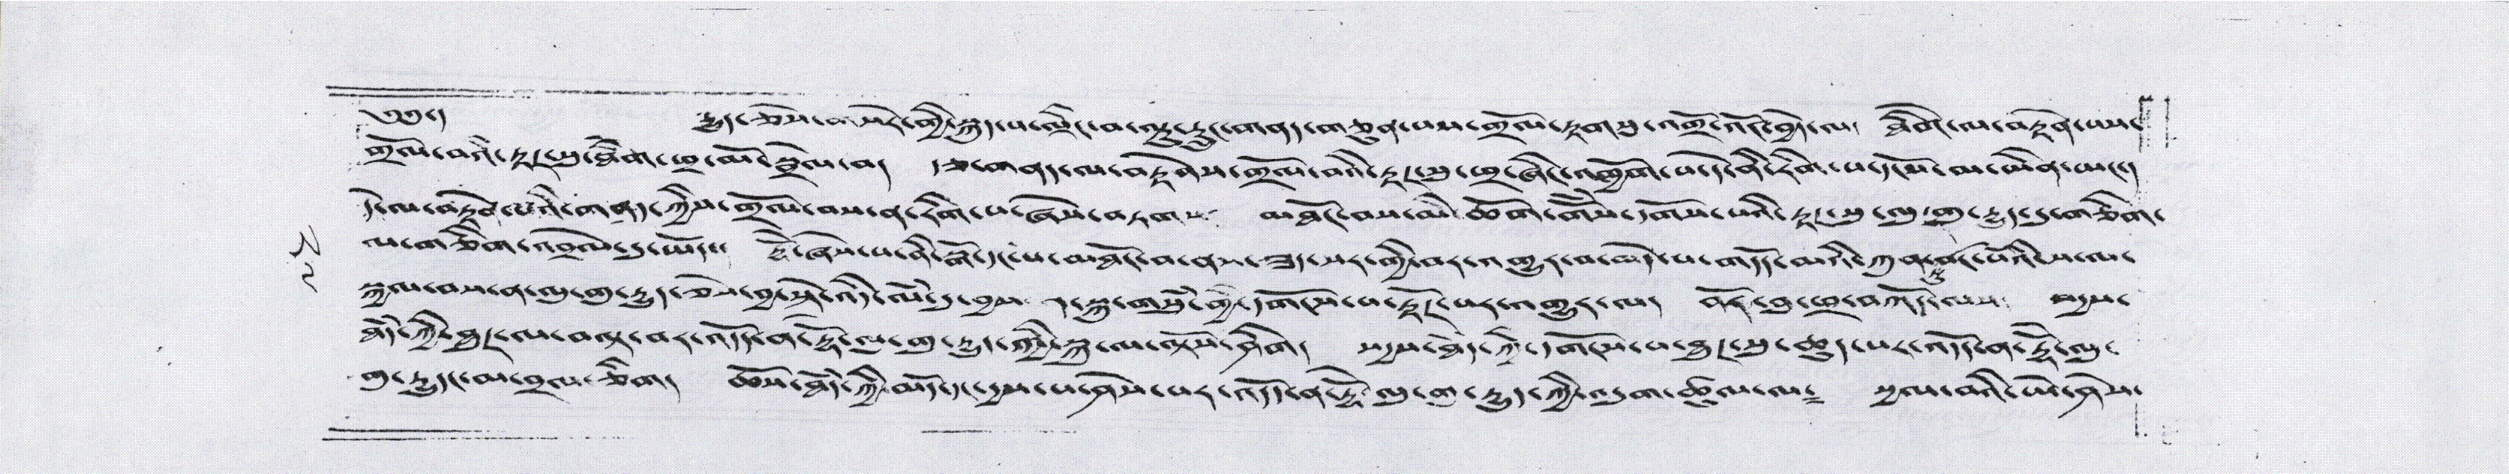རྒྱུད་ཅེས་པ་གསེར་གྱི་སྐུད་པ་ལྡིང་བ་ལྟ་བུ་རླུང་གནད་གཅུན་པས་གྲོལ་རྟགས་སུ་འགྲོ་འོིང་བྱེད་ལ། ཐིག་ལེ་ལ་བརྟེན་པས་
གྲོལ་བའི་རྟགས་སུ་ཐིག་ལེ་ཕྲ་མོ་སྦྲེལ་བ། རྩ་གནད་ལ་བརྟེན་ནས་གྲོལ་བའི་རྟགས་སུ་ཕྲ་ཞིང་འཁྱོག་པ་དེ་ནི་རིག་པ་དངོས་མ་ཡིན་ཡང་། 
དེ་ལ་བརྟེན་པའི་གནད་ཀྱིས་གྲོལ་བས་ན་རིག་པ་ཞེས་བཏགས། མཐོང་བས་མི་ཆོག་གོམས་དགོས་པའི་རྟགས་སུ་ལུ་གུ་རྒྱུད་དུ་གཅིག་
ལ་གཅིག་འབྲེལ་དུ་ཡོད། རྡོ་རྗེ་ཞེས་པ་ནི་སྒོ་དང་ས་མཐོང་བ་ནས་ཟད་སར་གྱི་བར་འགྱུར་བ་མེད་པ་གདོད་མའི་ཀུན་ཏུ་བཟང་པོའི་ས་ལ་
བསྐྱལ་བས་ན་ལུ་གུ་རྒྱུད་ཅེས་བྱ་སྟེ་འདི་ལམ་དུ་བྱས་ན་སྐུ་གསུམ་གྱི་དགོངས་པ་རྟོགས་པར་འགྱུར་ལ། ནོར་བུ་ཕྲ་བཀོད་ལས། སངས་རྒྱས་
ཐམས་ཅད་ཀྱི་ཐུགས་ལ་བལྟ་བར་འདོད་ན་རྡོ་རྗེ་ལུ་གུ་རྒྱུད་ཀྱི་སྐུ་ལ་ལྟོས་ཤིག སངས་རྒྱས་ཐམས་ཅད་ཀྱི་དགོངས་པ་ཐུགས་སུ་ཆུད་པར་འདོད་ན་རྡོ་རྗེ་ལུ་
གུ་རྒྱུད་དང་མ་བྲལ་ཅིག ཆོས་ཐམས་ཅད་ཀྱི་མདོ་དང་རྒྱས་པ་ཤེས་པར་འདོད་ན་རྡོ་རྗེ་ལུ་གུ་རྒྱུད་ཀྱི་འདུག་ཚུལ་ལ། གསལ་བའི་ཡེ་ཤེས་